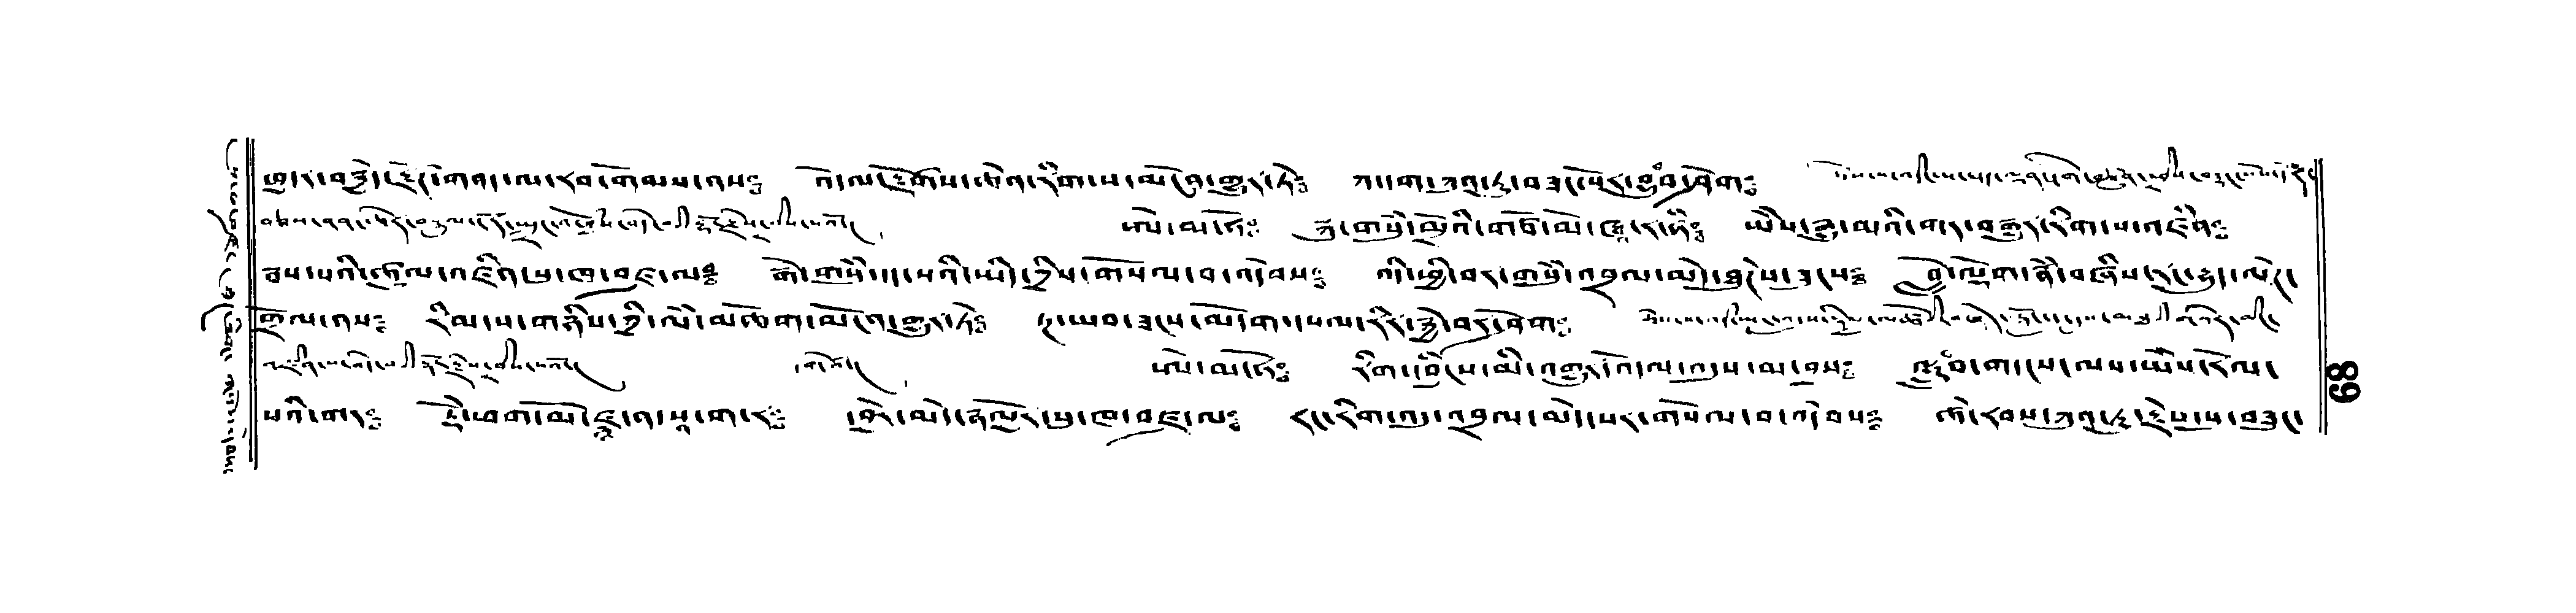ཁྱད་པར་བསྐྱེད་རྫོགས་གནད་ལ་རབ་གོམས་ནས༔ འོད་གསལ་རྫོགས་ཆེན་རིག་པ་མངོན་གྱུར་ཏེ༔ ཀ་དག་ཀུན་ཏུ་བཟང་པོར་བྱང་ཆུབ་ཤོག༔ ཅེས་པ་འདི་ཡང་དད་ལྡན་དགེ་བཙུན་ཕྲིན་ལས་བཟང་པོས་དར་
བཅས་ནན་ཆེར་བསྐུལ་ངོར་སྤྲང་འཁྱམས་བདེ་བའི་རྡོ་རྗེས་བྲིས་པའོ།། ཨེ་མ་ཧོཿ སྐུ་གསུམ་མཁའ་འགྲོའི་གཙོ་མོ་ཝཱ་ར་ཧི༔ ཡེ་ཤེས་སྒྱུ་མའི་གར་བསྒྱུར་རིག་པ་འཛིན༔ 
སྦས་པའི་ཚུལ་འཛིན་སུ་ཁ་བཛྲ་ལ༔སྒོ་གསུམ་དད་པའི་ཡིད་ཀྱིས་གསོལ་བ་འདེབས༔ འདི་ཕྱི་བར་གསུམ་འབྲལ་མེད་ཐུགས་རྗེས་ཟུངས༔ བློ་ལྡོག་རྣམ་བཞིས་རང་རྒྱུད་ལེགས་
གྲོལ་ནས༔ རིམ་པ་གཉིས་ཀྱི་ལམ་མཆོག་མངོན་གྱུར་ཏེ༔ རྔ་ཡབ་ཟངས་མདོག་དཔལ་རིར་སྐྱེ་བར་ཤོག༔ ཅེས་པ་འདི་ཡང་འདུས་སྡེ་རྒྱ་མཚོའི་བཞེད་སྐོང་དུ་དུས་མཐའི་གཏེར་མིང་
འཛིན་པ་བདེ་བའི་རྡོ་རྗེས་བྲིས་པའོ།། ཨེ་མ་ཧོཿ རིག་དབྱིངས་མི་འགྱུར་འོད་གསལ་འདུས་མ་བྱས༔ ལྷུན་གྲུབ་གདངས་ལས་ཡེ་ཤེས་རོལ་
པའི་གར༔ རྡོ་རྗེ་ཕག་མོ་ཛྙཱ་ན་སཱ་ག་ར༔ དབྱེར་མེད་རྣལ་འབྱོར་སུ་ཁ་བཛྲ་ལ༔ རང་རིག་འདུ་འབྲལ་མེད་པར་གསོལ་བ་འདེབས༔ ཚེ་རབས་ཀུན་ཏུ་རྗེས་སུ་བཟུང་